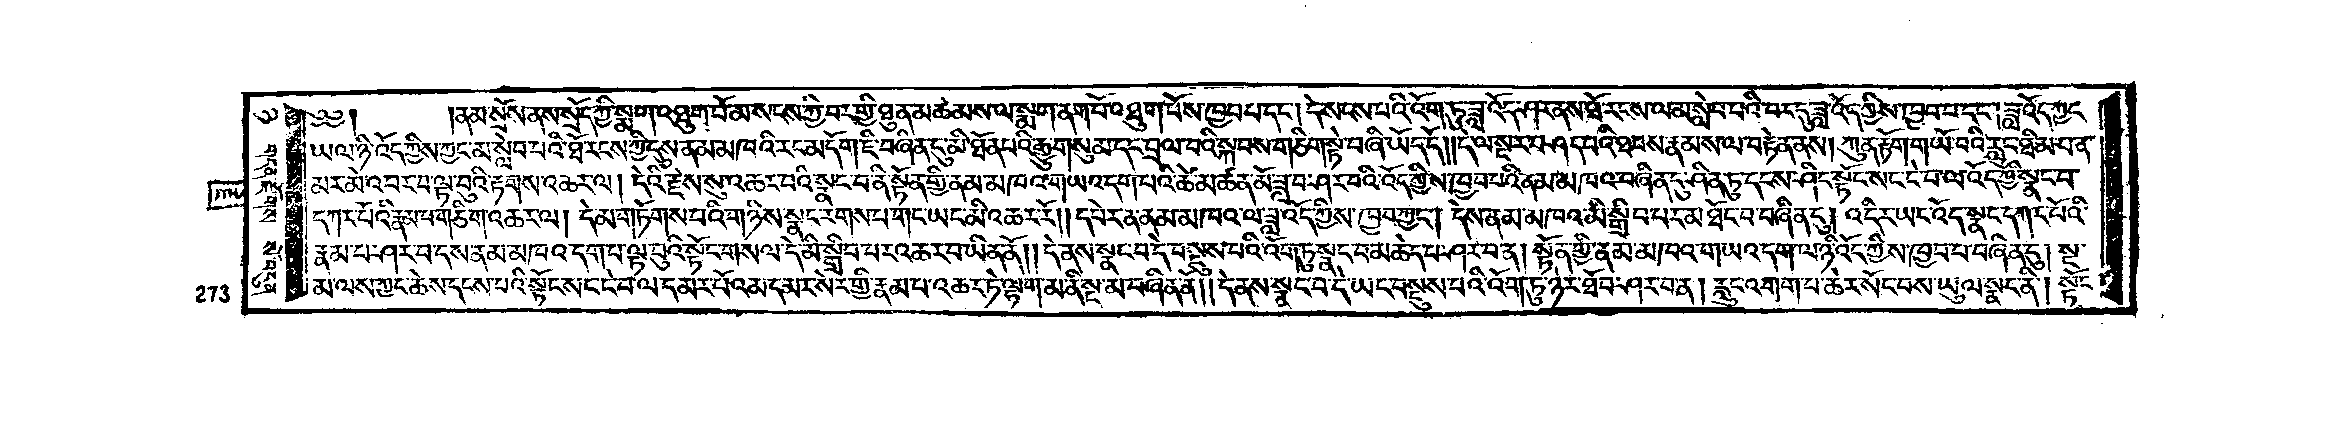༄༅། །ནམ་སྲོས་ནས་སྲོད་ཀྱི་སྨག་འཐུག་པོ་མ་སངས་ཀྱི་བར་གྱི་ཐུན་མཚམས་ལ་སྨག་ནག་པོ་འཐུག་པོས་ཁྱབ་པ་དང་། དེ་སངས་པའི་འོག་ཏུ་ཟླ་འོད་ཤར་ནས་ཐོ་རངས་ལ་མ་སླེབ་པའི་བར་དུ་ཟླ་འོད་ཀྱིས་ཁྱབ་པ་དང་། ཟླ་འོད་ཀྱང་
ཡལ་ཉི་འོད་ཀྱིས་ཀྱང་མ་སླེབ་པའི་ཐོ་རངས་ཀྱི་དུས་ནམ་མཁའི་རང་མདོག་ཇི་བཞིན་དུ་མི་ཐོན་པའི་རྒྱུ་གསུམ་དང་བྲལ་བའི་སྐབས་གཅིག་སྟེ་བཞི་ཡོད་དོ། །དེ་ལ་སྔར་བཤད་པའི་ཐབས་རྣམས་ལ་བརྟེན་ནས། ཀུན་རྟོག་གཡོ་བའི་རླུང་ཐིམ་པ་ན་
མར་མེ་འབར་བ་ལྟ་བུའི་རྟགས་འཆར་ལ། དེའི་རྗེས་སུ་འཆར་བའི་སྣང་བ་ནི་སྟོན་གྱི་ནམ་མཁའ་གཡའ་དག་པའི་ཚེ་མཚན་མོ་ཟླ་བ་ཤར་བའི་འོད་ཀྱིས་ཁྱབ་པའི་ནམ་མཁའ་བཞིན་དུ་ཤིན་ཏུ་དངས་ཤིང་སྟོང་སང་ངེ་བ་ལ་འོད་ཀྱི་སྣང་བ་
དཀར་པོའི་རྣམ་པ་གཅིག་འཆར་ལ། དེ་མ་གཏོགས་པའི་གཉིས་སྣང་རགས་པ་གང་ཡང་མི་འཆར་རོ། །དཔེར་ན་ནམ་མཁའ་ལ་ཟླ་འོད་ཀྱིས་ཁྱབ་ཀྱང་། དེས་ནམ་མཁའ་མི་སྒྲིབ་པར་མཐོང་བ་བཞིན་དུ། འདིར་ཡང་འོད་སྣང་དཀར་པོའི་
རྣམ་པ་ཤར་བ་དེས་ནམ་མཁའ་དག་པ་ལྟ་བུའི་སྟོང་གསལ་དེ་མི་སྒྲིབ་པར་འཆར་བ་ཡིན་ནོ། །དེ་ནས་སྣང་བ་དེ་བསྡུས་པའི་འོག་ཏུ་སྣང་བ་མཆེད་པ་ཤར་བ་ན། སྟོན་གྱི་ནམ་མཁའ་གཡའ་དག་ལ་ཉི་འོད་ཀྱིས་ཁྱབ་པ་བཞིན་དུ། སྔ་
མ་ལས་ཀྱང་ཆེས་དངས་པའི་སྟོང་སང་ངེ་བ་ལ་དམར་པོའམ་དམར་སེར་གྱི་རྣམ་པ་འཆར་ཏེ་ལྷག་མ་ནི་སྔ་མ་བཞིན་ནོ། །དེ་ནས་སྣང་བ་དེ་ཡང་བསྡུས་པའི་འོག་ཏུ་ཉེར་ཐོབ་ཤར་བ་ན། རླུང་འགག་པ་ཆེར་སོང་བས་ཡུལ་སྣང་ནི། སྟོང་